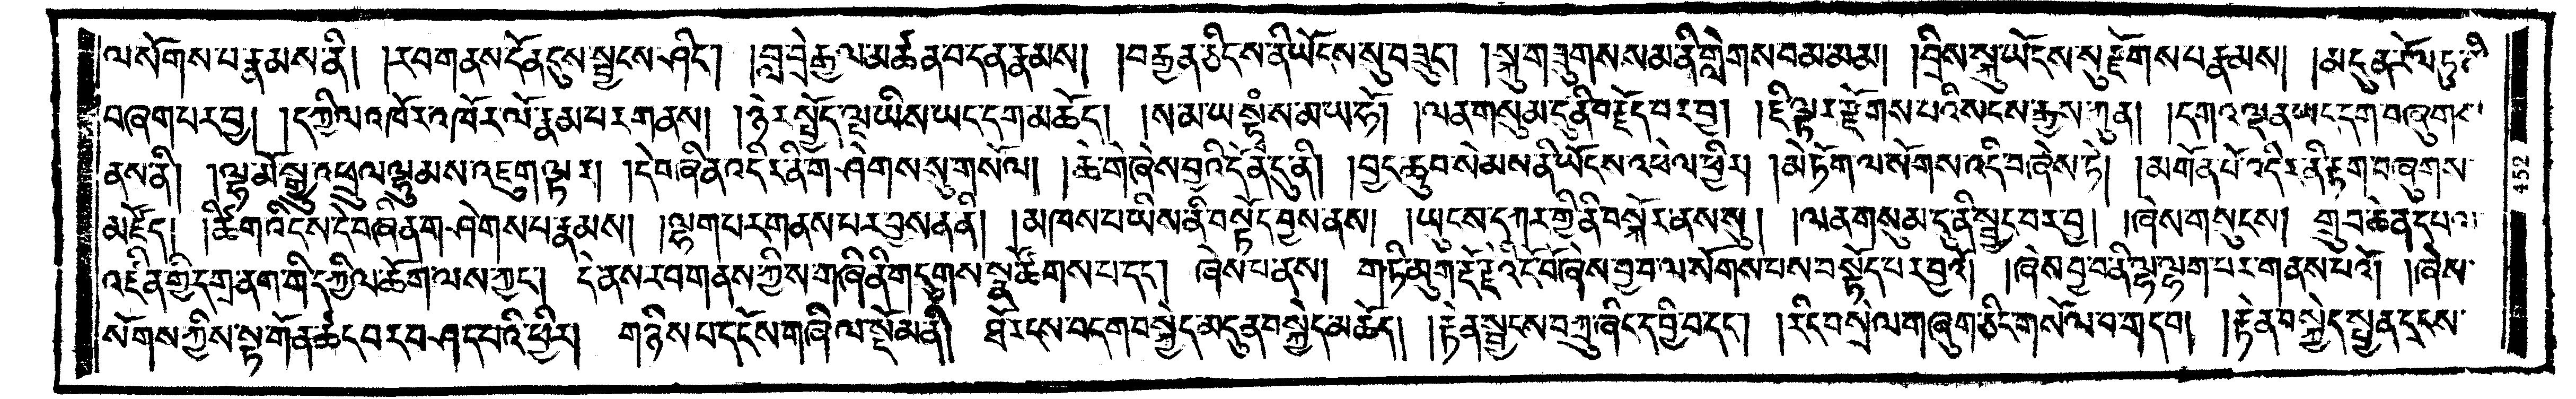ལ་སོགས་པ་རྣམས་ནི། །རབ་གནས་དོན་དུས་སྦྱངས་ཤིང་། །བླ་བྲེ་རྒྱལ་མཚན་བ་དན་རྣམས། །བརྒྱན་ཅིང་ས་ནི་ཡོངས་སུ་བཟུང་། །སྐུ་གཟུགས་སམ་ནི་གླེགས་བམ་མམ། །བྲིས་སྐུ་ཡོངས་སུ་རྫོགས་པ་རྣམས། །མདུན་རོལ་ཏུ་ནི་
བཞག་པར་བྱ། །དཀྱིལ་འཁོར་འཁོར་ལོ་རྣམ་པར་གནས། །ཉེར་སྤྱོད་ལྔ་ཡིས་ཡང་དག་མཆོད། །ས་མ་ཡ་སྟྭཾ་ས་མ་ཡ་ཧོ། །ལན་གསུམ་དུ་ནི་བརྗོད་བར་བྱ། །ཇི་ལྟར་རྫོགས་པའི་སངས་རྒྱས་ཀུན། །དགའ་ལྡན་ཡང་དག་བཞུགས་
ནས་ནི། །ལྷ་མོ་སྒྱུ་འཕྲུལ་ལྷུམས་འཇུག་ལྟར། །དེ་བཞིན་འདིར་ནི་གཤེགས་སུ་གསོལ། །ཆེ་གེ་ཞེས་བྱའི་དོན་དུ་ནི། །བྱང་ཆུབ་སེམས་ནི་ཡོངས་འཕེལ་ཕྱིར། །མེ་ཏོག་ལ་སོགས་འདི་བཞེས་ཏེ། །མགོན་པོ་འདིར་ནི་རྟག་བཞུགས་
མཛོད། །ཚིག་འདིས་དེ་བཞིན་གཤེགས་པ་རྣམས། །ལྷག་པར་གནས་པར་བྱས་ན་ནི། །མཁས་པ་ཡིས་ནི་བསྟོད་བྱས་ནས། །ཡུངས་དཀར་གྱི་ནི་བསྐོར་ནས་སུ། །ལན་གསུམ་དུ་ནི་སྦྱང་བར་བྱ། །ཞེས་གསུངས། །གྲུབ་ཆེན་དཔལ་
འཛིན་གྱི་དགྲ་ནག་གི་དཀྱིལ་ཆོག་ལས་ཀྱང་། དེ་ནས་རབ་གནས་ཀྱིས་གཞི་ནི་གདུགས་སྣ་ཚོགས་པ་དང་། ཞེས་པ་ནས། གཏི་མུག་རྡོ་རྗེའི་ངོ་བོ་ཞེས་བྱ་བ་ལ་སོགས་པས་བསྟོད་པར་བྱའོ། །ཞེས་བྱ་བ་ནི་ལྷ་ལྷག་པར་གནས་པའོ། །ཞེས་
སོགས་ཀྱིས་སྟ་གོན་ཚང་བར་བཤད་པའི་ཕྱིར། གཉིས་པ་དངོས་གཞི་ལ་སྡོམ་ནི། ཐོ་རངས་བདག་བསྐྱེད་མདུན་བསྐྱེད་མཆོད། །རྟེན་སྦྱངས་བཀྲུ་ཞིང་དབྱི་བ་དང་། །རིང་བསྲེལ་གཞུག་ཅིང་གསོལ་བ་གདབ། །རྟེན་བསྐྱེད་སྤྱན་དྲངས་